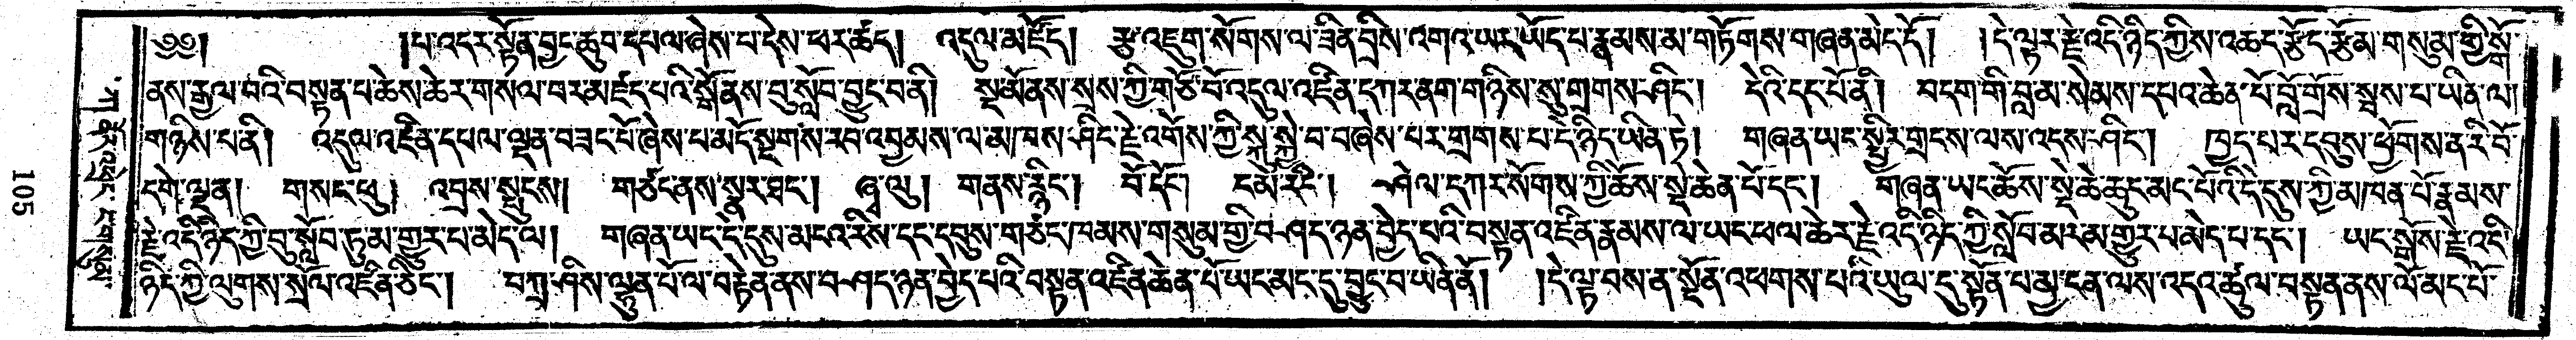༄༅། །པ་འདར་སྟོན་བྱང་ཆུབ་དཔལ་ཞེས་པ་དེས་ཕར་ཚད། འདུལ་མཛོད། རྩ་འཇུག་སོགས་ལ་ཟིན་བྲིས་འགའ་ཡར་ཡོད་པ་རྣམས་མ་གཏོགས་གཞན་མེད་དོ། །དེ་ལྟར་རྗེ་འདི་ཉིད་ཀྱིས་འཆད་རྩོད་རྩོམ་གསུམ་གྱི་སྒོ་
ནས་རྒྱལ་བའི་བསྟན་པ་ཆེས་ཆེར་གསལ་བར་མཛད་པའི་སྒོ་ནས་བུ་སློབ་བྱུང་བ་ནི། སྔ་མོ་ནས་སྲས་ཀྱི་གཙོ་བོ་འདུལ་འཛིན་དཀར་ནག་གཉིས་སུ་གྲགས་ཤིང་། དེའི་དང་པོ་ནི། བདག་གི་བླ་མ་སེམས་དཔའ་ཆེན་པོ་བློ་གྲོས་སྦས་པ་ཡིན་ལ།
གཉིས་པ་ནི། འདུལ་འཛིན་དཔལ་ལྡན་བཟང་པོ་ཞེས་པ་མདོ་སྔགས་རབ་འབྱམས་ལ་མཁས་ཤིང་རྗེ་འགོས་ཀྱི་སྐུ་སྐྱེ་བ་བཞེས་པར་གྲགས་པ་དེ་ཉིད་ཡིན་ཏེ། གཞན་ཡང་སྤྱིར་གྲངས་ལས་འདས་ཤིང་། ཁྱད་པར་དབུས་ཕྱོགས་ན་རི་བོ་
དགེ་ལྡན། གསང་ཕུ། འབྲས་སྤུངས། གཙང་ནས་སྣར་ཐང་། ཞྭ་ལུ། གནས་རྙིང་། བོ་དོང་། ངམ་རིང་། ཤེལ་དཀར་སོགས་ཀྱི་ཆོས་སྡེ་ཆེན་པོ་དང་། གཞན་ཡང་ཆོས་སྡེ་ཆེ་ཆུང་མང་པོའི་དེ་དུས་ཀྱི་མཁན་པོ་རྣམས་
རྗེ་འདི་ཉིད་ཀྱི་བུ་སློབ་ཏུ་མ་གྱུར་པ་མེད་ལ། གཞན་ཡང་དེ་དུས་མངའ་རིས་དང་དབུས་གཙང་ཁམས་གསུམ་གྱི་བཤད་ཉན་བྱེད་པའི་བསྟན་འཛིན་རྣམས་ལ་ཡང་ཕལ་ཆེར་རྗེ་འདི་ཉིད་ཀྱི་སློབ་མར་མ་གྱུར་པ་མེད་པ་དང་། ཡང་སྒོས་རྗེ་འདི་
ཉིད་ཀྱི་ལུགས་སྲོལ་འཛིན་ཅིང་། བཀྲ་ཤིས་ལྷུན་པོ་ལ་བརྟེན་ནས་བཤད་ཉན་བྱེད་པའི་བསྟན་འཛིན་ཆེན་པོ་ཡང་མང་དུ་བྱུང་བ་ཡིན་ནོ། །དེ་ལྟ་བས་ན་སྔོན་འཕགས་པའི་ཡུལ་དུ་སྟོན་པ་མྱ་ངན་ལས་འདའ་ཚུལ་བསྟན་ནས་ལོ་མང་པོ་